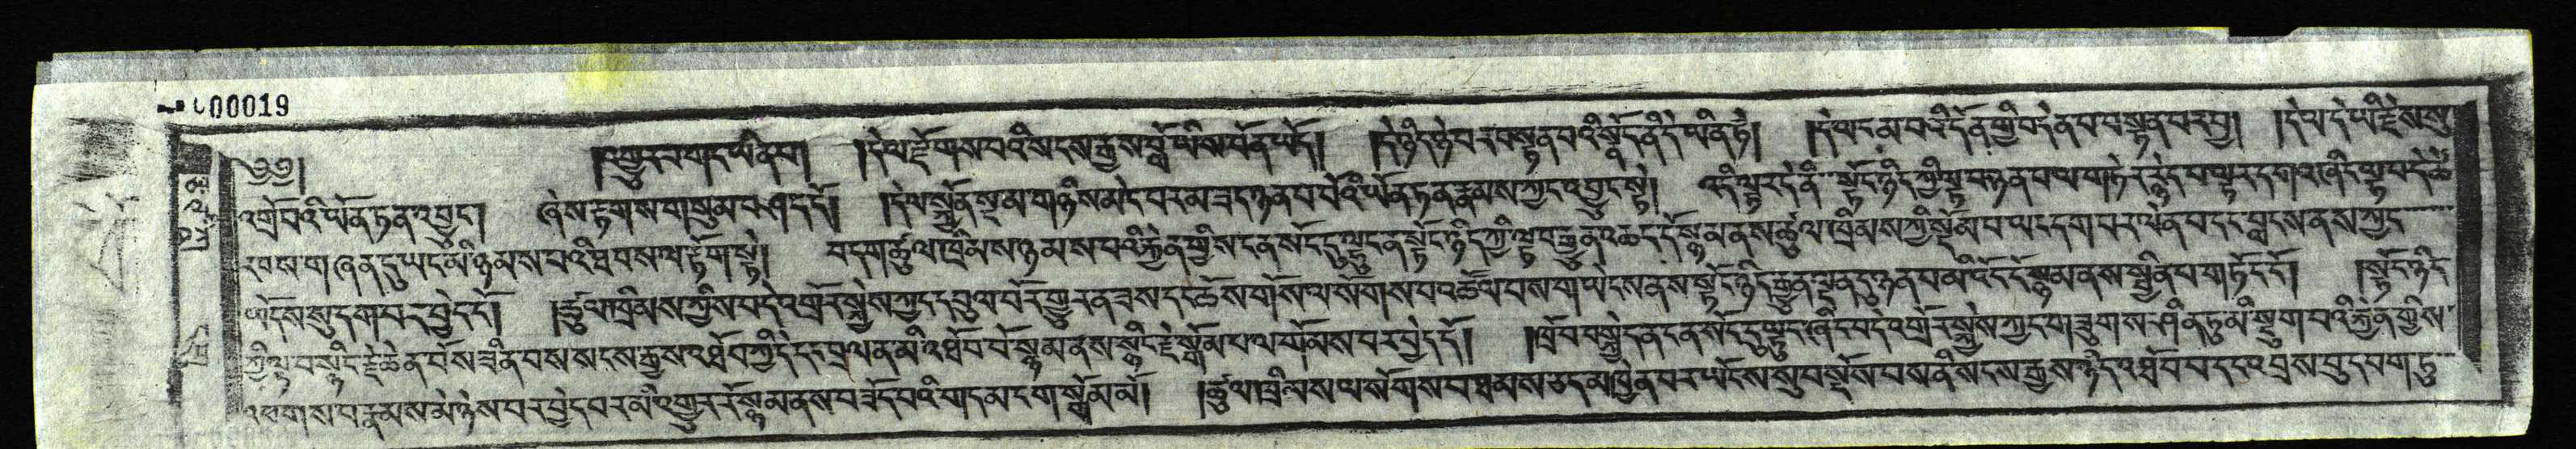༄༅། །འགྱུར་པ་གང་ཡིན་པ། །དེ་ལ་རྫོགས་པའི་སངས་རྒྱས་བློ་ཡི་ས་བོན་ཡོད། །དེ་ཉིད་ཉེ་བར་བསྟན་པའི་སྣོད་ནི་དེ་ཡིན་ཏེ། །དེ་ཡང་མ་པའི་དོན་གྱི་བདེན་པ་བསྟན་པར་བྱ། །དེ་ལ་དེ་ཡི་རྗེས་སུ་
འགྲོ་བའི་ཡོན་ཏན་འབྱུང་། ཞེས་རྟགས་གསུམ་བཤད་དོ། །དེ་ལ་སྐྱོན་སྔ་མ་གཉིས་མེད་པར་མ་ཟད་ཉན་པ་པོའི་ཡོན་ཏན་རྣམས་ཀྱང་འབྱུང་སྟེ། འདི་ལྟར་དེ་ནི་སྟོང་ཉིད་ཀྱི་ལྟ་བ་ཉན་པ་ལ་གཏེར་རྙེད་པ་ལྟར་དགའ་ཞིང་ལྟ་བ་དེ་ཚེ་
རབས་གཞན་དུ་ཡང་མི་ཉམས་པའི་ཐབས་ལ་རྟོག་སྟེ། བདག་ཚུལ་ཁྲིམས་ཉམས་པའི་རྐྱེན་གྱིས་ངན་སོང་དུ་ལྟུང་ན་སྟོང་ཉིད་ཀྱི་ལྟ་བ་རྒྱུན་འཆད་དོ་སྙམ་ནས་ཚུལ་ཁྲིམས་ཀྱི་སྡོམ་པ་ཡང་དག་པར་ལེན་པ་དང་བླངས་ནས་ཀྱང་
ཡོངས་སུ་དག་པར་བྱེད་དོ། །ཚུལ་ཁྲིམས་ཀྱིས་བདེ་འགྲོར་སྐྱེས་ཀྱང་དབུལ་བོར་གྱུར་ན་ཟས་དང་ཆོས་གོས་ལ་སོགས་པ་འཚོལ་བས་གཡེངས་ནས་སྟོང་ཉིད་རྒྱུན་ལྡན་དུ་ཉན་པ་མི་འོང་ངོ་སྙམ་ནས་སྦྱིན་པ་གཏོང་ངོ། །སྟོང་ཉིད་
ཀྱི་ལྟ་བ་སྙིང་རྗེ་ཆེན་པོས་ཟིན་པས་སངས་རྒྱས་འཐོབ་ཀྱི་དེ་དང་བྲལ་ན་མི་འཐོབ་བོ་སྙམ་ནས་སྙིང་རྗེ་སྒོམ་པ་ལ་གོམས་པར་བྱེད་དོ། །ཁྲོ་བ་བསྐྱེད་ནང་ན་སོང་དུ་ལྟུང་ཞིང་བདེ་འགྲོར་སྐྱེས་ཀྱང་གཟུགས་ཤིན་ཏུ་མི་སྡུག་པའི་རྐྱེན་གྱིས་
འཕགས་པ་རྣམས་མེ་ཉེས་པར་བྱེད་པར་མི་འགྱུར་རོ་སྙམ་ནས་བཟོད་པའི་གདམ་ངག་སྒོམ་མོ། །ཚུལ་ཁྲིམས་ལ་སོགས་པ་ཐམས་ཅད་མཁྱེན་པར་ཡོངས་སུ་བསྡོས་པས་ནི་སངས་རྒྱས་ཉིད་འཐོབ་པ་དང་འབྲས་བུ་དཔག་ཏུ་